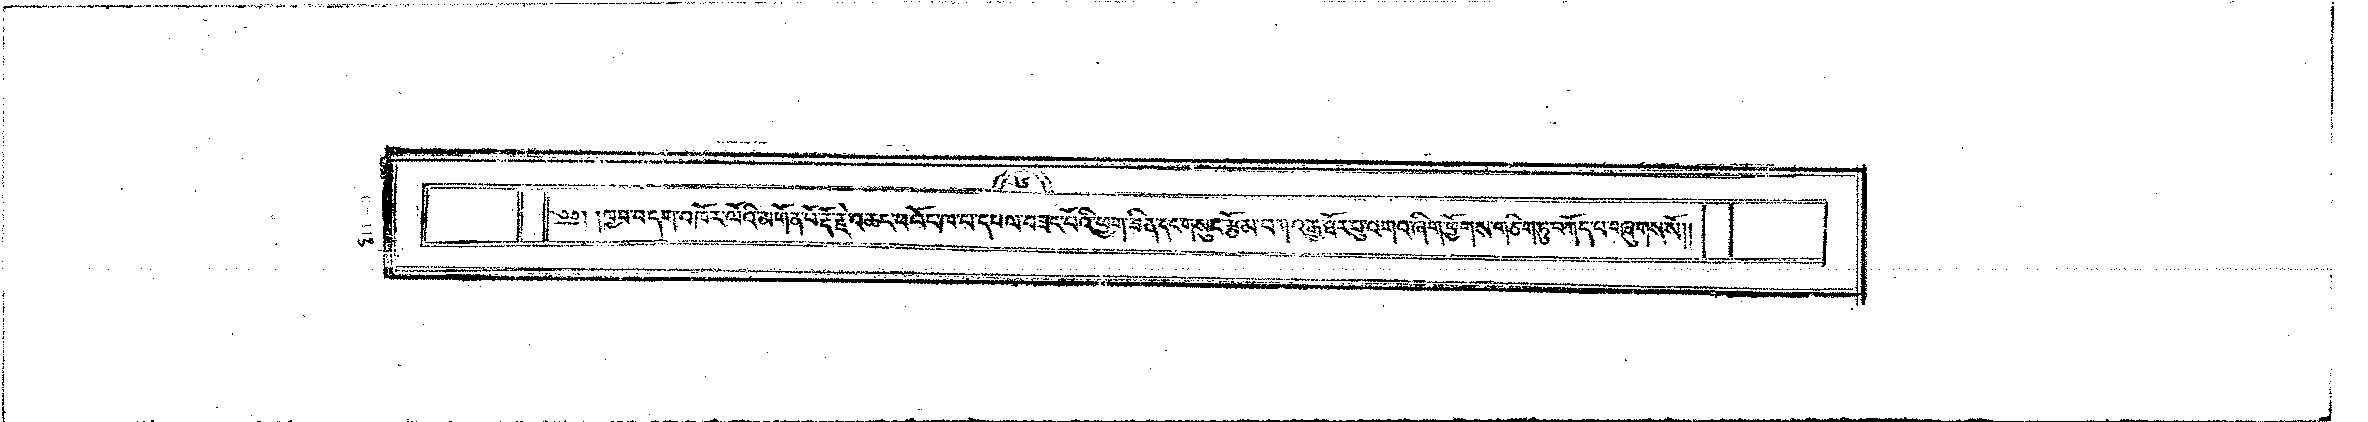༄༅། །ཁྱབ་བདག་འཁོར་ལོའི་མགོན་པོ་རྡོ་རྗེ་འཆང་ཕ་བོང་ཁ་པ་དཔལ་བཟང་པོའི་ཕྱག་ཟིན་དང་གསུང་རྩོམ་བཀའ་རྒྱ་ཐོར་བུ་འགའ་ཞིག་ཕྱོགས་གཅིག་ཏུ་བཀོད་པ་བཞུགས་སོ།།